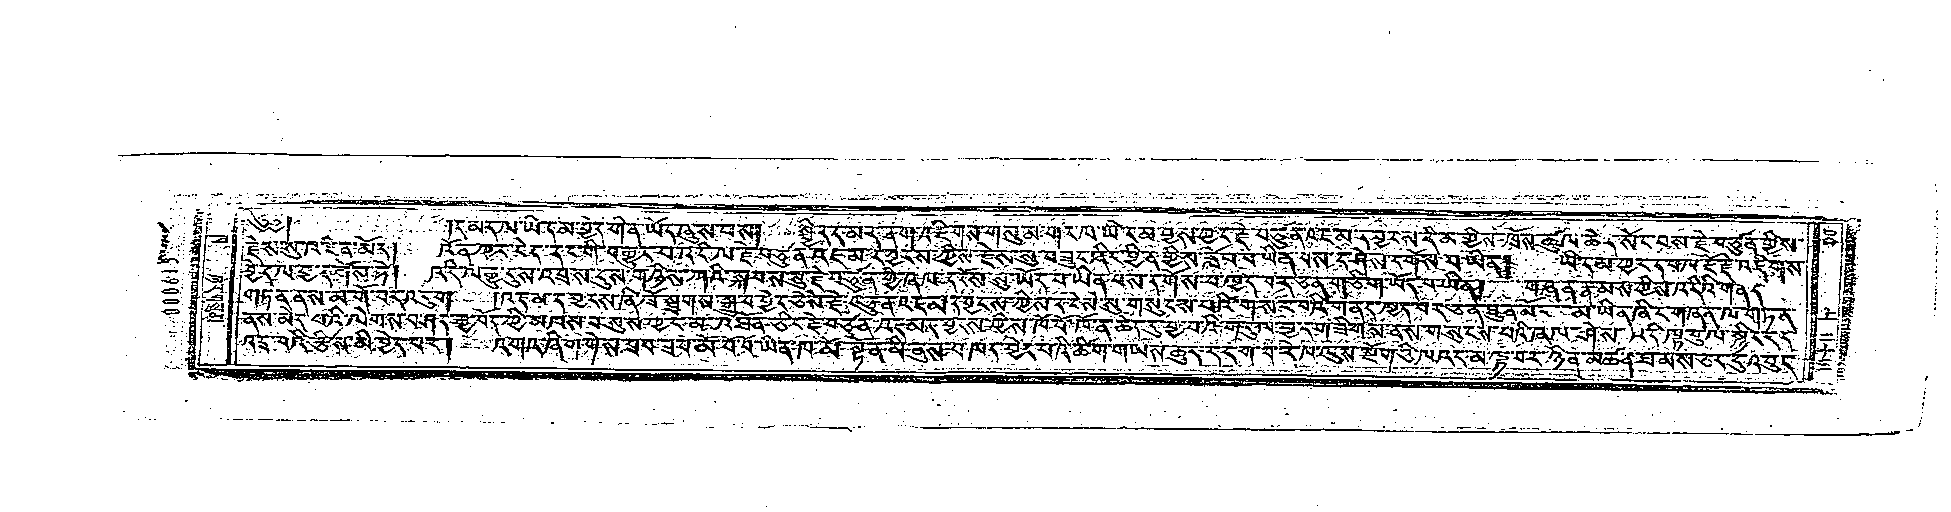༄༅། །དམར་ལ་ཡི་དམ་བྱེད་གིན་ཡོད་ཞུས་བས། སྤྱིར་དམར་ནག་འཇིགས་གསུམ་གང་ལ་ཡི་དམ་བྱས་ཀྱང་རྗེ་བཙུན་འཇམ་དབྱངས་རིམ་གྱིས་ཁྲོས་ཚུལ་ཆེར་སོང་བས་རྗེ་བཙུན་གྱིས་
རྗེས་སུ་འཛིན་མོད། འོན་ཀྱང་ངེད་རང་གི་བརྒྱུད་བ་འདི་ལ་རྗེ་བཙུན་འཇམ་དབྱངས་ཀྱིས་རྗེས་སུ་བཟུང་ཞིང་བྱིན་གྱིས་རློབ་བ་ཡིན་པས་དེ་ཤེས་དགོས་པ་ཡིན། ཡི་དམ་ཀྱང་དཔལ་རྡོ་རྗེ་འཇིགས་
བྱེད་ལ་བྱ་དགོས་ཏེ། འདི་ལ་རྒྱུ་དུས་འབྲས་དུས་གཉིས་ཀའི་སྐབས་སུ་རྗེ་བཙུན་གྱི་ཞལ་དངོས་སུ་ཡོད་པ་ཡིན་པས་དགོས་པ་ཁྱད་བར་ཅན་གཅིག་ཡོད་པ་ཡིན། གཞན་རྣམས་ཀྱིས་འདིའི་གནད་
གཏན་ནས་མགོ་བར་འདུག །འཇམ་དབྱངས་ཞི་ཁྲོ་སྦྲགས་སྒྲུབ་བྱེད་ཅེས་རྗེ་བཙུན་འཇམ་དབྱངས་ཀྱིས་དངེས་སུ་གསུངས་པའི་གསང་བའི་གནད་ཁྱད་པར་ཅན་ཐུན་མོང་མ་ཡིན་ཞིང་གཞན་ལ་གཏན་
ནས་མེད་པའི་ལེགས་བཤད་རྒྱ་བོད་ཀྱི་མཁས་བ་སུས་ཀྱང་མ་འཐོན་ཅིང་རྗེ་བཙུན་འཇམ་དབྱངས་ཀྱིས་ཁོ་བོ་ཁོ་ན་ཆེད་དུ་བྱ་བའི་གདུལ་བྱར་གཟིགས་ནས་གསུངས་པའི་ཞལ་ཤེས་འདི་ལྟ་བུ་ལ་སྙིང་དང་
འདྲ་བའི་རྩིས་མི་བྱེད་པར། འགའ་ཞིག་གིས་ཟབ་ཟབ་མོ་བོ་བོ་ཡིན་ཁ་མོ་སྟོན་མི་ནུས་བ་ཁད་བྱེད་པའི་ཚིག་གཡས་ཆུད་དངག་བ་རེལ་ཁུས་སྔོག་ཅི་ལའང་མ་ལྟ་བར་ཉིན་མཚན་ཐམས་ཅད་དུ་འབུད་